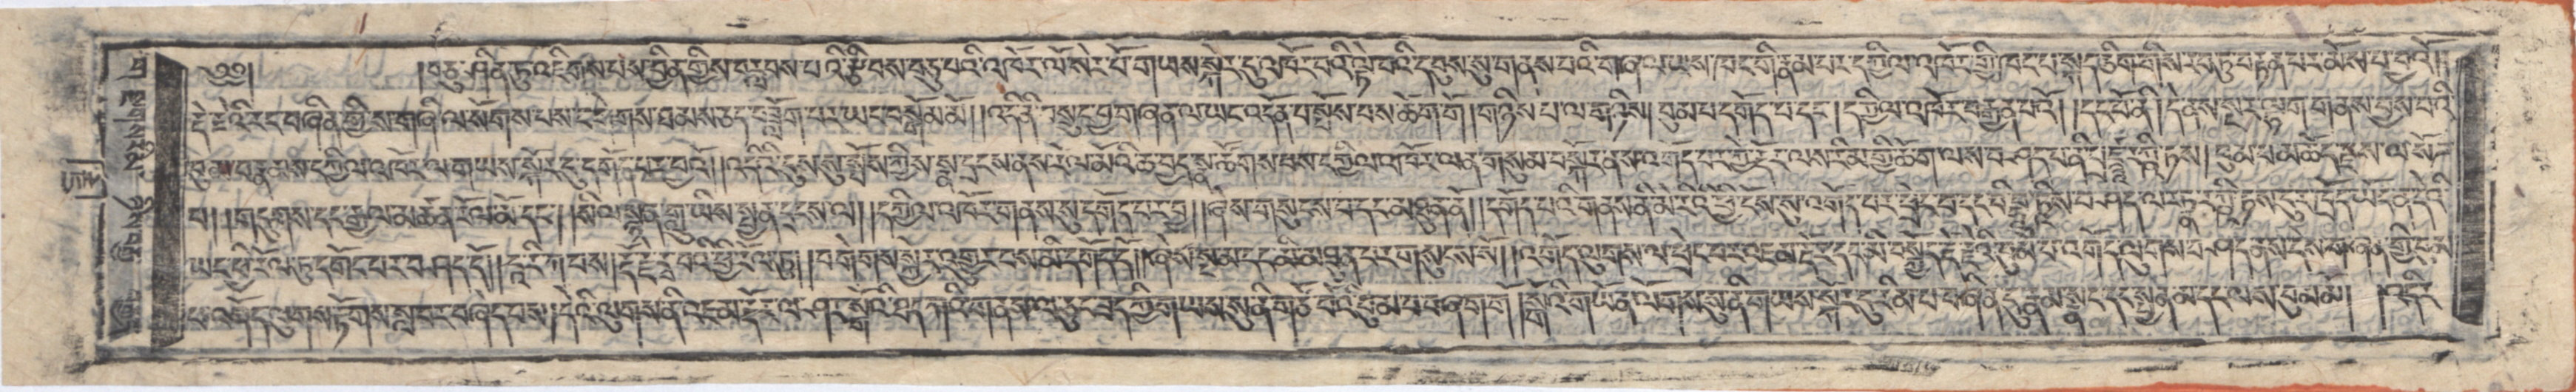༄༅། །བཅུ་ཤིན་ཏུ་འཇིགས་པས་བྱིན་གྱིས་བརླབས་པའི་རྩིབས་བཅུ་པའི་འཁོར་ལོ་སེར་པོ་གཡས་སྐོར་དུ་འཁོར་བའི་ལྟེ་བའི་དབུས་སུ་གནས་པའི་གཞལ་ཡས་ཁང་གི་རྣམ་པར་དཀྱིལ་འཁོར་གྱི་ཁང་པ་སྐད་ཅིག་གིས་རབ་ཏུ་བརྟན་པར་མོས་པ་བྱའོ། །
རྡོ་རྗེའི་རང་བཞིན་གྱི་ས་གཞི་ལ་སོགས་པས་བགེགས་ཐམས་ཅད་བཟློག་པར་ཡང་བསྒོམ་མོ། །འདི་ནི་བསྲུང་བྱ་གཞན་ལ་ཡང་འདོན་པ་སྤོས་པས་ཆོག་གོ །གཉིས་པ་ལ་གཉིས། བུམ་པ་དགོད་པ་དང་། དཀྱིལ་འཁོར་བརྒྱན་པའོ། །དང་པོ་ནི། དེ་ནས་སྔར་ལྷག་གནས་བྱས་པའི་
བུམ་པ་རྣམས་དཀྱིལ་འཁོར་ལ་གཡས་སྐོར་དུ་དགོད་པར་བྱའོ། །འདིའི་དུས་སུ་སྤོས་ཀྱིས་སྣ་དྲངས་ནས་རོལ་མོའི་ཆ་བྱད་སྣ་ཚོགས་པས་དཀྱིལ་འཁོར་ལན་གསུམ་བསྐོར་ནས་འགོད་པར་ཀྱེ་རྡོར་ལས་རིམ་གྱི་ཆོ་ག་ལས་བཤད་པ་ནི་པྲཛྙཱ་རཀྵི་ཏས། བུམ་པ་མཆོད་རྫས་ལ་སོགས་
པ། །གདུགས་དང་རྒྱལ་མཚན་རོལ་མོ་དང་། །སིལ་སྙན་གླུ་ཡིས་སྤྱན་དྲངས་ལ། །དཀྱིལ་འཁོར་གནས་སུ་དགོད་པར་བྱ། །ཞེས་གསུངས་པ་དང་མཐུན་ནོ། །དགོད་པའི་གནས་ནི་མེ་རིའི་ཕྱི་ངོས་སུ་འགོད་པར་ཕྲེང་བ་དང་བི་བྷཱུ་ཏཱིས་བཤད་ལ་རཏྣ་རཀྵི་ཏས་དུར་ཁྲོད་ཡོད་ན་དེའི་
ཡང་ཕྱི་རོལ་ཏུ་དགོད་པར་བཤད་དོ། །དཱ་རི་ཀ་པས། རྡོ་རྗེ་རྭ་བའི་ཕྱི་རོལ་ཏུ། །བགེགས་སྐྱེར་འགྱུར་བས་མི་དགོད་དོ། །ཞེས་སྔ་མ་དང་མི་མཐུན་པར་གསུངས་སོ། །འགོད་ལུགས་ལ་ཕྲེང་བར་འཇམ་རྡོར་དང་མི་བསྐྱོད་རྡོ་རྗེའི་བུམ་པ་འགོད་ལུགས་བཤད་ནས་དེས་གཞན་གྱི་བུམ་
པ་འགོད་ལུགས་རྟོགས་སླ་བར་བཞེད་པས། དེའི་ལུགས་ནི་འཇམ་རྡོར་ལ་ཤར་སྒོའི་ཐད་ཀའི་གནས་ལ་ཅུང་ཟད་ཀྱི་གཡས་སུ་ནི་གཙོ་བོའི་བུམ་པ་བཞག་གོ །སྒོའི་གཡོན་ལོགས་སུ་ནི་གཡས་སྐོར་དུ་རིམ་པ་བཞིན་དུ་རྣམ་སྣང་དང་སྤྱན་མ་དང་ལས་བུམ་མོ། །འདིར་